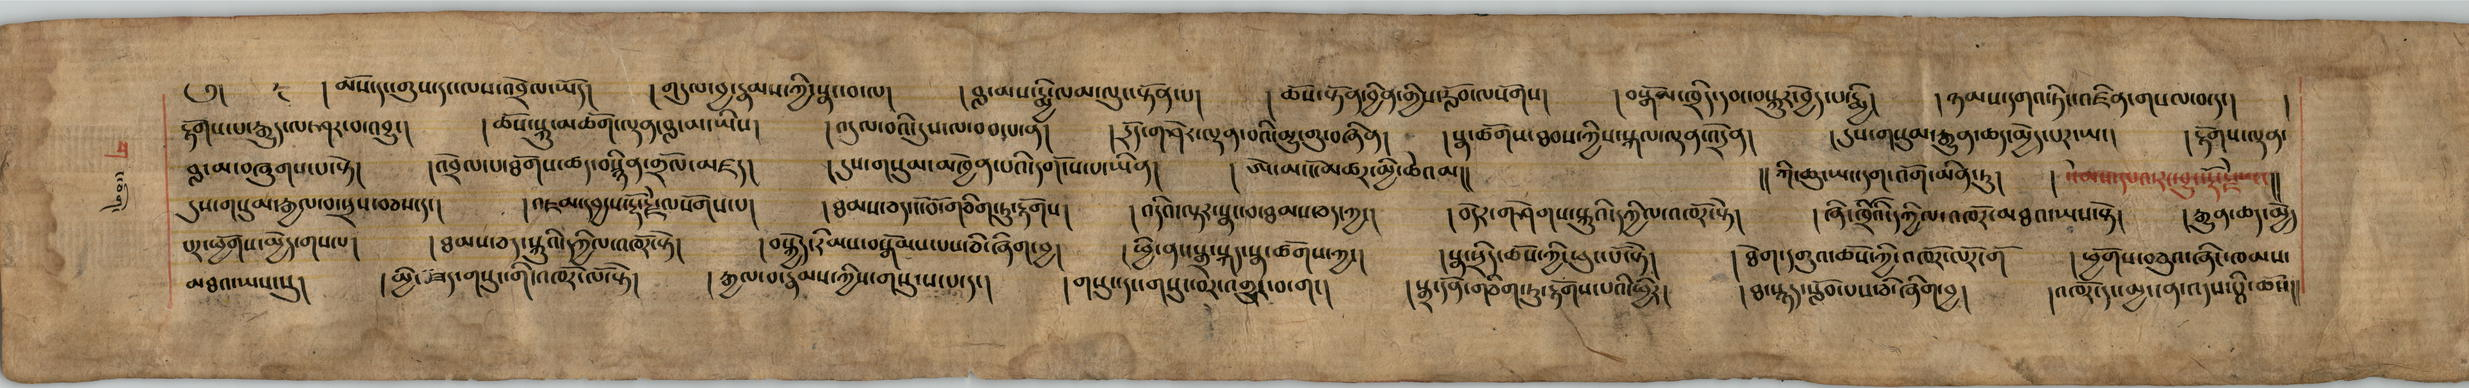༅། །མོས་དང་གུས་དང་ལས་འབྲེལ་ཡོད། །གདུལ་བྱ་རྣམས་ཀྱི་སྣང་བ་ལ། །བླ་མས་རྨྱི་ལམ་ལུང་སྟོན་པ། །ཆོས་སྟོན་བྱིན་གྱིས་རློབ་ལསོགས། །བསྒོམ་ཁྲིད་དབང་བསྐུར་བྱེད་པ་རྨྱི། །ཉམས་དགའ་ཏིང་འཛིན་གསལ་བ་དང། །
རྟོགས་པ་རྒྱུད་ལ་ཤར་བ་འབྱུང། །ཆོས་སྐུ་མཆོག་ལྡན་བླ་མ་ཡིས། །འདུལ་བའི་དུས་ལ་བབ་པ་ན། །དྲོད་གཤེར་ལྡན་པའི་མྱུ་གུ་བཞིན། །སྣ་ཚོགས་ཐབས་ཀྱིས་སྐལ་ལྡན་འདྲེན། །དུས་གསུམ་རྒྱུན་ཆད་མྱེད་པར་ཡང། །རྟོགས་ལྡན་
བླ་མ་བཞུགས་པ་སྟེ། །འབྲེལ་པ་ཐོགས་ཚད་བསྙིན་གྲོལ་མཛད། །དུས་གསུམ་མཁྱེན་པའི་དགོངས་པ་ཡིན། ། ཨེ་མ་ངོ་མཚར་མྱི་ཆེའམ།། །།ཀི་ཆུ་ཡང་དག་འོག་མིན་ཏུ། །སེམས་དཔའ་རང་བྱུང་རྡོ་རྗེ་ཡང།།
དུས་གསུམ་རྒྱལ་བ་སྲས་བཅས་དང། །འཇམ་དབྱངས་རྡོ་རྗེ་ལསོགས་པ། །ཐམས་ཅད་ངོ་བོ་གཅིག་ཏུ་རྟོགས། །འདིའ་ལྟར་སྣང་བ་ཐམས་ཅད་ཀྱང། །བདེར་གཤེགས་སྐུའི་དཀྱིལ་འཁོར་སྟེ། །ཞི་ཁྲོའི་དཀྱིལ་འཁོར་མཐའ་ཡས་སྟེ། །རྒྱུན་ཆད་མྱེད
པར་ཕྱོགས་མྱེད་གསལ། །ཐམས་ཅད་སྐུའི་དཀྱིལ་འཁོར་སྟེ། །བསྐྱེད་རིམས་བསྒོམས་པས་ཅི་ཞིག་བྱ། །ཕྱི་ནང་སྒྲ་སྐད་སྣ་ཚོགས་ཀྱང། །སྣང་སྲིད་ཆོས་ཀྱི་ཕུང་པོ་སྟེ། །ཐེག་དགུའ་ཆོས་ཀྱི་འཁོར་ལོར་གོ །ཕྱོགས་བཅུའ་ཞིང་ཁམས་
མཐའ་ཡས་སུ། །མྱི་ཟད་གསུང་གི་འཁོར་ལོ་སྟེ། །རྒྱལ་བ་རྣམས་ཀྱིས་གསུངས་པ་དང། །གསུང་དང་གསུང་བར་འགྱུར་བ་གང། །སྒྲ་དོན་གཅིག་ཏུ་རྟོགས་པའི་ཕྱིར། །ཐ་སྙད་སློབ་པས་ཅི་ཞིག་བྱ། །འཁོར་དང་མྱ་ངན་འདས་པི་ཆོས།།